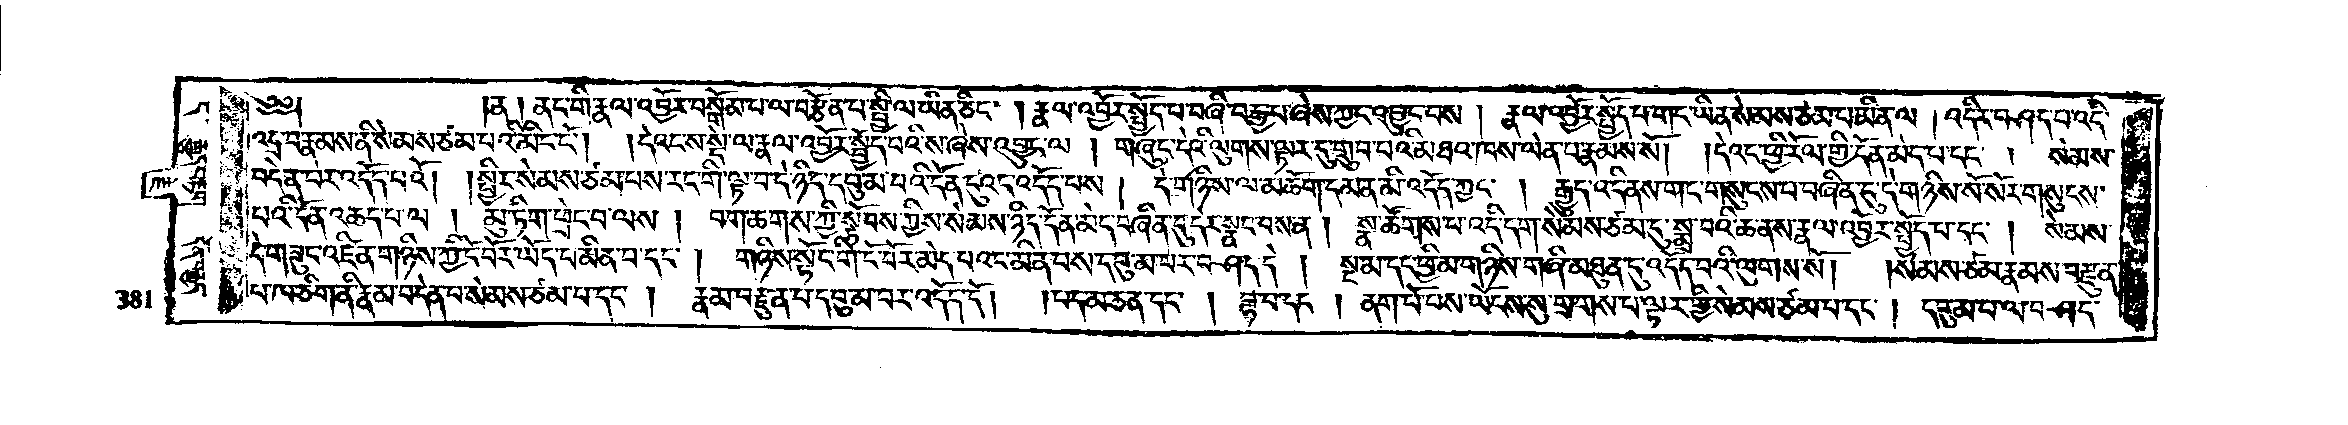༄༅། །ན། ནང་གི་རྣལ་འབྱོར་བསྒོམ་པ་ལ་བརྩོན་པ་སྤྱི་ལ་ཡིན་ཅིང་། རྣལ་འབྱོར་སྤྱོད་པ་བཞི་བརྒྱ་པ་ཞེས་ཀྱང་འབྱུང་བས། རྣལ་འབྱོར་སྤྱོད་པ་གང་ཡིན་སེམས་ཙམ་པ་མིན་ལ། འདིར་བཤད་པ་འདི་
འདྲ་བ་རྣམས་ནི་སེམས་ཙམ་པའི་མིང་ངོ། །དེའང་ས་སྡེ་ལ་རྣལ་འབྱོར་སྤྱོད་པའི་ས་ཞེས་འབྱུང་ལ། གཞུང་དེའི་ལུགས་ལྟར་དུ་གྲུབ་པའི་མཐའ་ཁས་ལེན་པ་རྣམས་སོ། །དེའང་ཕྱི་རོལ་གྱི་དོན་མེད་པ་དང་། སེམས་
བདེན་པར་འདོད་པའོ། །སྤྱིར་སེམས་ཙམ་པས་རང་གི་ལྟ་བ་དེ་ཉིད་དབུ་མ་པའི་དོན་དུའང་འདོད་པས། དེ་གཉིས་ལ་མཆོག་དམན་མི་འདོད་ཀྱང་། རྒྱུད་འདི་ནས་གང་གསུངས་པ་བཞིན་དུ་དེ་གཉིས་སོ་སོར་གསུངས་
པའི་དོན་འཆད་པ་ལ། མུ་ཏིག་ཕྲེང་བ་ལས། བག་ཆགས་ཀྱི་སྟོབས་ཀྱིས་སེམས་ཉིད་དོན་མེད་བཞིན་དུ་དེར་སྣང་བས་ན། སྣ་ཚོགས་པ་འདི་དག་སེམས་ཙམ་དུ་སྨྲ་བའི་ཆ་ནས་རྣལ་འབྱོར་སྤྱོད་པ་དང་། སེམས་
དེ་གཟུང་འཛིན་གཉིས་ཀྱི་ངོ་བོར་ཡོད་པ་མིན་པ་དང་། གཉིས་སྟོང་གི་ངོ་བོར་མེད་པའང་མིན་པས་དབུ་མ་པར་བཤད་དེ། སྔ་མ་དང་ཕྱི་མ་གཉིས་གཞི་མཐུན་དུ་འདོད་པའི་ལུགས་སོ། །སེམས་ཙམ་རྣམས་བརྫུན་
པ་ཁ་ཅིག་ནི་རྣམ་བདེན་པ་སེམས་ཙམ་པ་དང་། རྣམ་བརྫུན་པ་དབུ་མ་པར་འདོད་དོ། །པད་མ་ཅན་དང་། བྷ་བ་དང་། ནག་པོ་པས་ཡོངས་སུ་གྲགས་པ་ལྟར་གྱི་སེམས་ཙམ་པ་དང་། དབུ་མ་པ་ལ་བཤད་